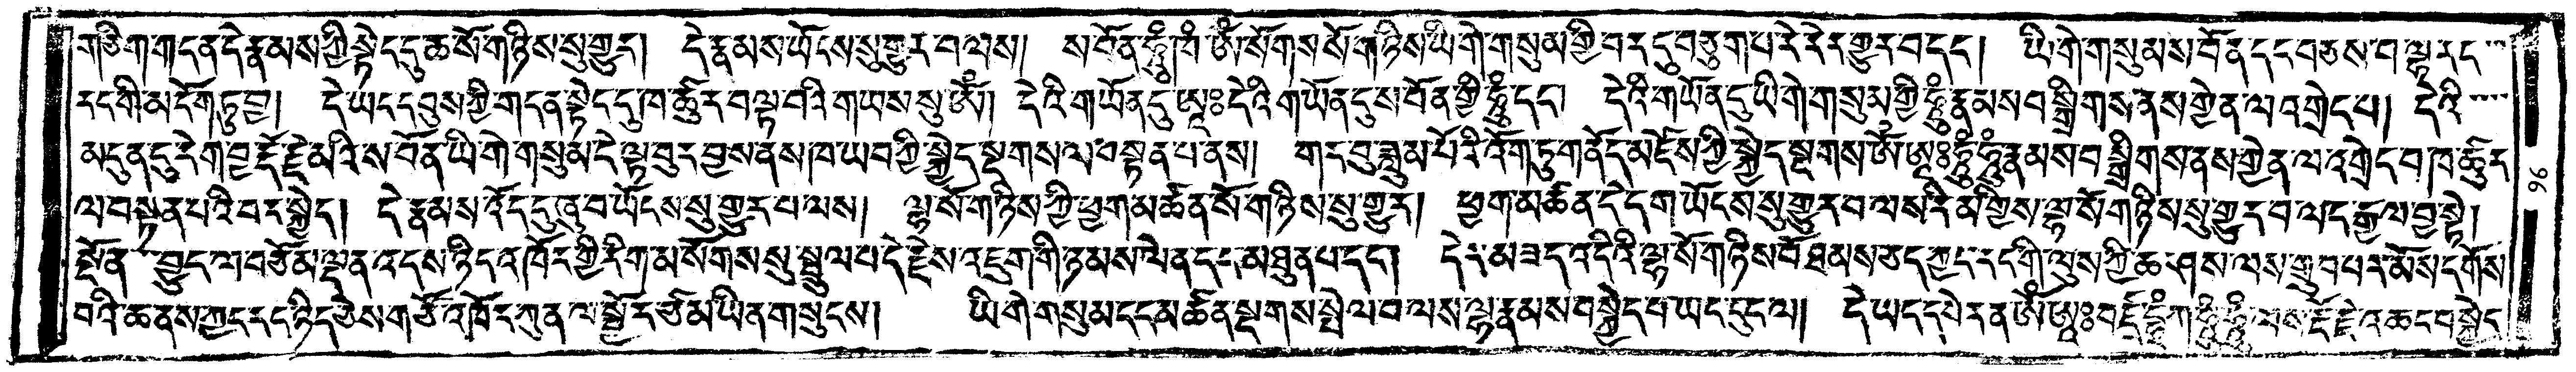གཅིག་གདན་དེ་རྣམས་ཀྱི་སྟེང་དུ་ཆ་སོ་གཉིས་སུ་གྱུར། དེ་རྣམས་ཡོངས་སུ་གྱུར་བ་ལས། ས་བོན་ཧཱུཾ་ཁཾ་ཨོཾ་སོགས་སོ་གཉིས་ཡི་གེ་གསུམ་གྱི་བར་དུ་བཅུག་པ་རེ་རེར་གྱུར་བ་དང་། ཡི་གེ་གསུམ་ས་བོན་དང་བཅས་པ་ལྷ་རང་
རང་གི་མདོག་ཏུ་བྱ། དེ་ཡང་དབུས་ཀྱི་གདན་སྟེང་དུ་ཁ་ཚུར་བལྟ་བའི་གཡས་སུ་ཨོཾ། དེའི་གཡོན་དུ་ཨཱཿདེའི་གཡོན་དུ་ས་བོན་གྱི་ཧཱུཾ་དང་། དེའི་གཡོན་དུ་ཡི་གེ་གསུམ་གྱི་ཧཱུཾ་རྣམས་བསྒྲིགས་ནས་གྱེན་ལ་འགྲེང་པ། དེའི་
མདུན་དུ་རེག་བྱ་རྡོ་རྗེ་མའི་ས་བོན་ཡི་གེ་གསུམ་དེ་ལྟ་བུར་བྱས་ནས་ཁ་ཡབ་ཀྱི་སྐྱེད་སྔགས་ལ་བསྟན་པ་ནས། གར་བུ་ཟླུམ་པོའི་འོག་ཏུ་གནོད་མཛེས་ཀྱི་སྐྱེད་སྔགས་ཨོཾ་ཨཱཿཧཱུཾ་ཧཱུཾ་རྣམས་བསྒྲིགས་ནས་གྱེན་ལ་འགྲེང་བ་ཁ་ཚུར་
ལ་བསྟན་པའི་བར་སྐྱེད། དེ་རྣམས་འོད་དུ་ཞུ་བ་ཡོངས་སུ་གྱུར་པ་ལས། ལྷ་སོ་གཉིས་ཀྱི་ཕྱག་མཚན་སོ་གཉིས་སུ་གྱུར། ཕྱག་མཚན་དེ་དག་ཡོངས་སུ་གྱུར་པ་ལས་རིམ་གྱིས་ལྷ་སོ་གཉིས་སུ་གྱུར་བ་ལང་རྒྱལ་བྱ་སྟེ།
སྔོན་བྱུང་ལ་བཅོམ་ལྡན་འདས་ཉིད་འཁོར་གྱི་རིག་མ་སོགས་སུ་སྤྲུལ་བ་དེ་རྗེས་འཇུག་གི་ཉམས་ལེན་དང་མཐུན་པ་དང་། དེར་མ་ཟད་འདིའི་ལྷ་སོ་གཉིས་པ་ཐམས་ཅད་ཀྱང་རང་གི་ལུས་ཀྱི་ཆ་ཤས་ལས་གྲུབ་པར་མོས་དགོས་
བའི་ཆ་ནས་ཀྱང་རང་ཉིད་ཅེས་གཙོ་འཁོར་ཀུན་ལ་སྦྱོར་ཙམ་ཡིན་གསུངས། ཡི་གེ་གསུམ་དང་མཚན་སྔགས་སྤེལ་བ་ལས་ལྷ་རྣམས་བསྐྱེད་བ་ཡང་དུང་ལ། དེ་ཡང་དཔེར་ན་ཨོཾ་ཨཱཿབཛྲ་དྷྲཾ་ཀ་ཧཱུཾ་ཧཱུཾ་ལས་རྡོ་རྗེ་འཆང་བསྐྱེད་